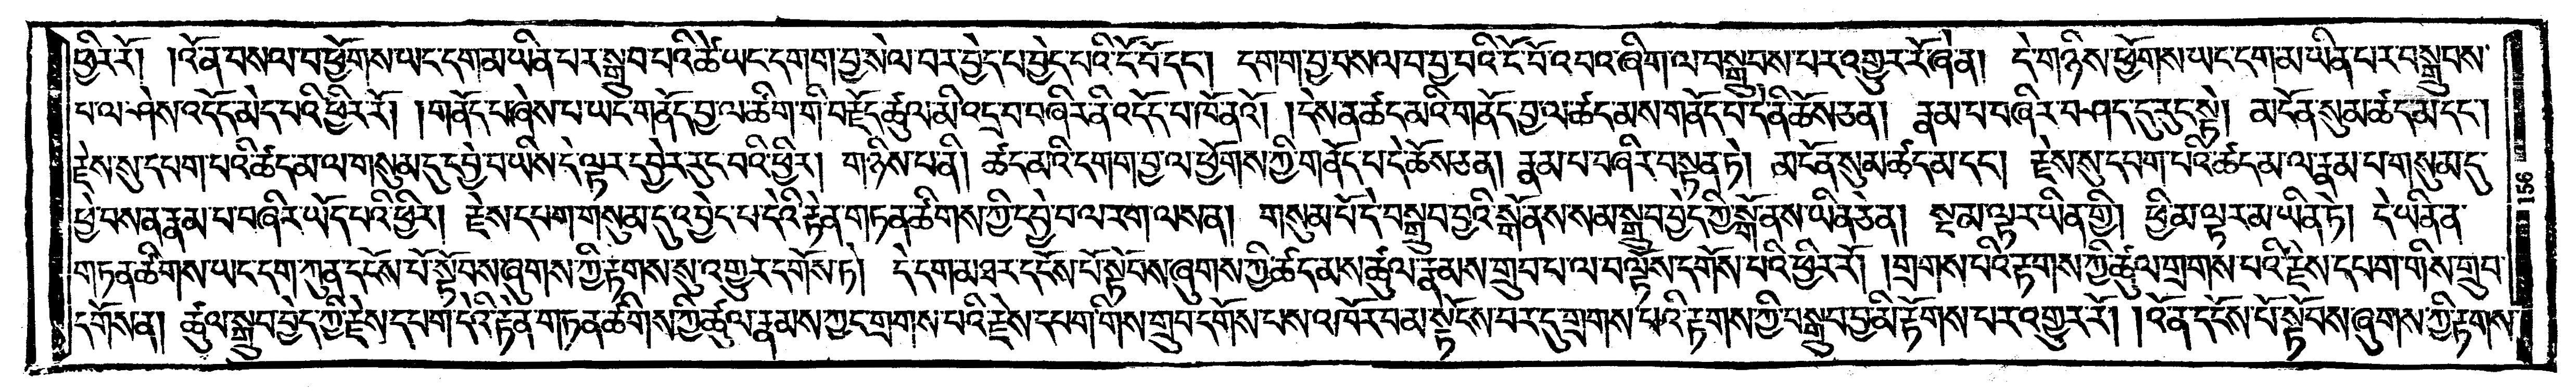ཕྱིར་རོ། །འོ་ན་བསལ་བ་ཕྱོགས་ཡང་དག་མ་ཡིན་པར་སྒྲུབ་པའི་ཚེ་ཡང་དགག་བྱ་སེལ་བར་བྱེད་པ་བྱེད་པ་བྱེད་པའི་ངོ་བོ་དང་། དགག་བྱ་བསལ་བ་བྱ་བའི་ངོ་བོ་འབའ་ཞིག་ལ་བསྒྲུབས་པར་འགྱུར་རོ་ཞེ་ན། དེ་གཉིས་ཕྱོགས་ཡང་དག་མ་ཡིན་པར་བསྒྲུབས་
པ་ལ་ཤེས་འདོད་མེད་པའི་ཕྱིར་རོ། །གནོད་པ་ཞེས་པ་ཡང་གནོད་བྱ་ལ་ཚིག་གི་བརྗོད་ཚུལ་མི་འདྲ་བ་བཞིར་ནི་འདོད་པ་ཁོ་ནའོ། །དེས་ན་ཚད་མའི་གནོད་བྱ་ལ་ཚད་མས་གནོད་པ་དེ་ནི་ཆོས་ཅན། རྣམ་པ་བཞིར་བཤད་དུ་རུང་སྟེ། མངོན་སུམ་ཚད་མ་དང་།
རྗེས་སུ་དཔག་པའི་ཚད་མ་ལ་གསུམ་དུ་དབྱེ་བ་ཡིས་དེ་ལྟར་དབྱེར་རུང་བའི་ཕྱིར། གཉིས་པ་ནི། ཚད་མའི་དགག་བྱ་ལ་ཕྱོགས་ཀྱི་གནོད་པ་དེ་ཆོས་ཅན། རྣམ་པ་བཞིར་བསྟན་ཏེ། མངོན་སུམ་ཚད་མ་དང་། རྗེས་སུ་དཔག་པའི་ཚད་མ་ལ་རྣམ་པ་གསུམ་དུ་
ཕྱེ་བས་ན་རྣམ་པ་བཞིར་ཡོད་པའི་ཕྱིར། རྗེས་དཔག་གསུམ་དུ་འབྱེད་པ་དེའི་རྟེན་གཏན་ཚིགས་ཀྱི་དབྱེ་བ་ལ་རག་ལས་ན། གསུམ་པོ་དེ་བསྒྲུབ་བྱའི་སྒོ་ནས་སམ་སྒྲུབ་བྱེད་ཀྱི་སྒོ་ནས་ཡིན་ཅེ་ན། སྔ་མ་ལྟར་ཡིན་གྱི། ཕྱི་མ་ལྟར་མ་ཡིན་ཏེ། དེ་ཡིན་ན་
གཏན་ཚིགས་ཡང་དག་ཀུན་དངོས་པོ་སྟོབས་ཞུགས་ཀྱི་རྟགས་སུ་འགྱུར་དགོས་ཏེ། དེ་དག་མཐར་དངོས་པོ་སྟོབས་ཞུགས་ཀྱི་ཚད་མས་ཚུལ་རྣམས་གྲུབ་པ་ལ་བལྟོས་དགོས་པའི་ཕྱིར་རོ། །གྲགས་པའི་རྟགས་ཀྱི་ཚུལ་གྲགས་པའི་རྗེས་དཔག་གིས་གྲུབ་
དགོས་ན། ཚུལ་སྒྲུབ་བྱེད་ཀྱི་རྗེས་དཔག་དེའི་རྟེན་གཏན་ཚིགས་ཀྱི་ཚུལ་རྣམས་ཀྱང་གྲགས་པའི་རྗེས་དཔག་གིས་གྲུག་དགོས་པས་འཁོར་བ་མ་སྟོངས་པར་དུ་གྲགས་པའི་རྟགས་ཀྱི་བསྒྲུབ་བྱ་མི་རྟོགས་པར་འགྱུར་རོ། །འོ་ན་དངོས་པོ་སྟོབས་ཞུགས་ཀྱི་རྟགས་